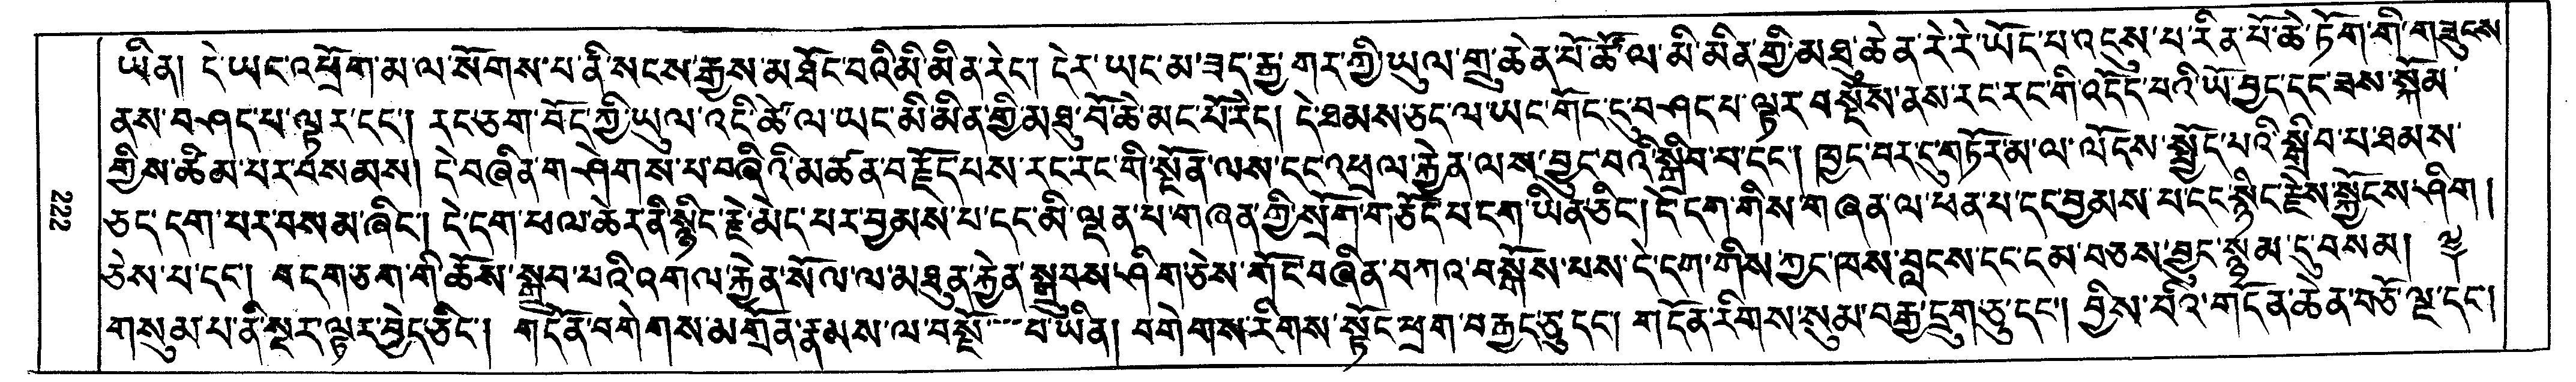ཡིན༑ དེ་ཡང་འཕྲོག་མ་ལ་སོགས་བ་ནི་སངས་རྒྱས་མཐོང་བའི་མི་མིན་རེད། དེར་ཡང་མ་ཟད་རྒྱ་གར་གྱི་ཡུལ་གྲུ་ཆེན་པོ་ཚོ་ལ་མི་མིན་གྱི་མཐུ་ཆེན་རེ་རེ་ཡོད་པ་འདུས་པ་རིན་པོ་ཆེ་ཏོག་གི་གཟུངས་
ནས་བཤད་པ་ལྟར་དང་། རང་ཅག་བོད་ཀྱི་ཡུལ་འདི་ཚོ་ལ་ཡང་མི་མིན་གྱི་མཐུ་བོ་ཆེ་མང་པོ་རེད། དེ་ཐམས་ཅད་ལ་ཡང་གོང་དུ་བཤད་པ་ལྟར་བསྡོས་ནས་རང་རང་གི་འདོད་པའི་ཡོ་བྱད་དང་ཟས་སྐོམ་
གྱིས་ཚིམ་པར་བསམས། དེ་བཞིན་གཤེགས་བ་བཞིའི་མཚན་བརྗོད་པས་རང་རང་གི་སྔོན་ལས་དང་འཕྲལ་རྐྱེན་ལས་བྱུང་བའི་སྒྲིབ་པ་དང་། ཁྱད་པར་དུ་གཏོར་མ་ལ་ལོངས་སྤྱོད་པའི་སྒྲིབ་བ་ཐམས་
ཅད་དག་བར་བསམ་ཞིང་། དེ་དག་ཕལ་ཆེར་ནི་སྙིང་རྗེ་མེད་པར་བྱམས་པ་དང་མི་ལྡན་པ་གཞན་གྱི་སྲོག་གཅོད་པ་དག་ཡིན་ཅིང་། དེ་དག་གིས་གཞན་ལ་ཕན་པ་དང་བྱམས་པ་དང་སྙིང་རྗེས་སྐྱོངས་ཤིག།
ཅེས་པ་དང་། བདག་ཅག་གི་ཆོས་སྒྲུབ་པའི་འགལ་རྐྱེན་སོལ་ལ་མཐུན་རྐྱེན་སྒྲུབས་ཤིག་ཅེས་གོང་བཞིན་བཀའ་བསྒོས་བས་དི་དག་གིས་ཀྱང་ཁས་བླངས་དང་དམ་བཅས་བྱུང་སྙམ་དུ་བསམ། ༈
གསུམ་པ་ནི་སྔར་ལྟར་བྱེད་ཅིང་། གདོན་བགེགས་མགྲོན་རྣམས་ལ་བསྔོ་པ་ཡིན། བགེགས་རིགས་སྟོང་ཕྲག་བརྒྱད་ཅུ་དང་། གདོན་རིགས་སུམ་བརྒྱ་དྲུག་ཅུ་དང་། བྱིས་བའི་གདོན་ཆེན་བཅོ་ལྔ་དང་།